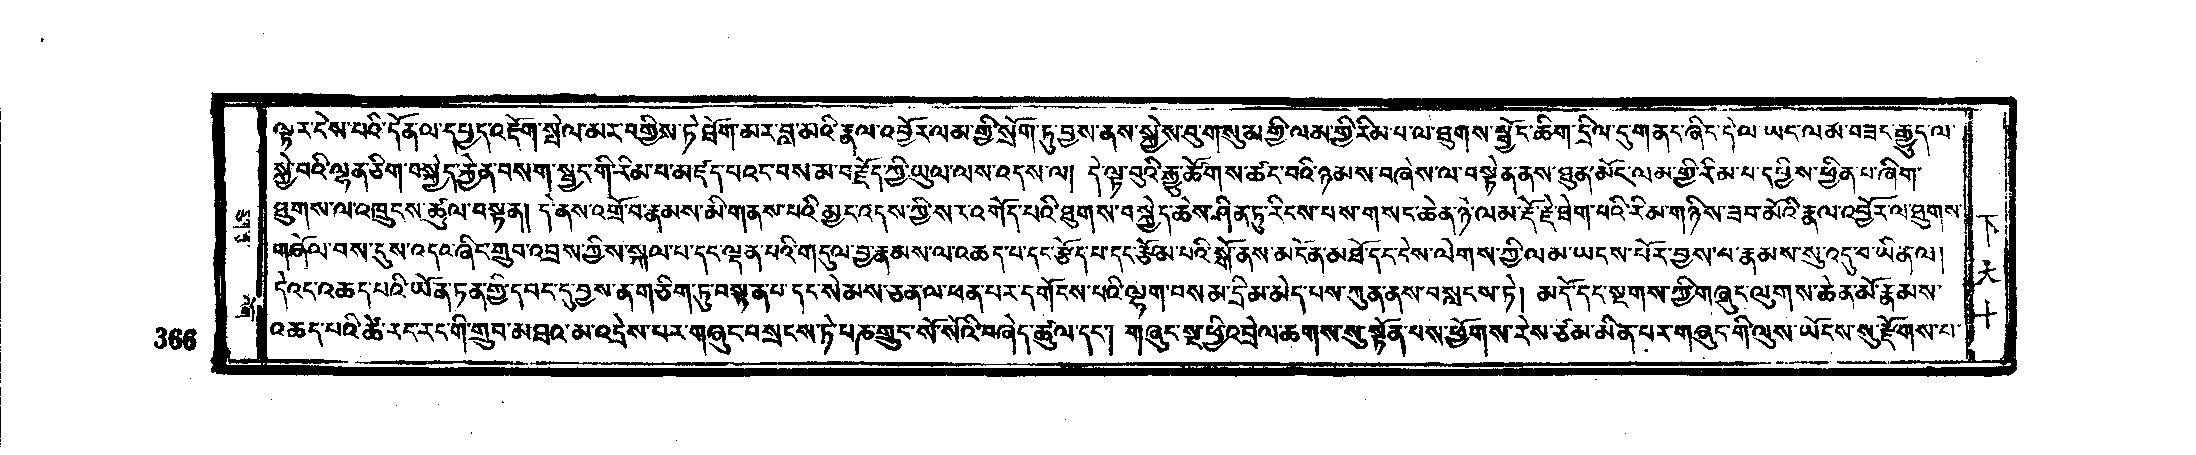ལྟར་ངེས་པའི་དོན་ལ་དཔྱད་འཇོག་སྤེལ་མར་བགྱིས་ཏེ་ཐོག་མར་བླ་མའི་རྣལ་འབྱོར་ལམ་གྱི་སྲོག་ཏུ་བྱས་ནས་སྐྱེས་བུ་གསུམ་གྱི་ལམ་གྱི་རིམ་པ་ལ་ཐུགས་སྦྱོང་ཆིག་དྲིལ་དུ་གནང་ཞིང་དེ་ལ་ཡང་ལམ་བཟང་རྒྱུད་ལ་
སྐྱེ་བའི་ལྷན་ཅིག་བསྐྱེད་རྐྱེན་བསག་སྦྱང་གི་རིམ་པ་མཛད་པའང་བསམ་བརྗོད་ཀྱི་ཡུལ་ལས་འདས་ལ། དེ་ལྟ་བུའི་རྒྱུ་ཚོགས་ཚང་བའི་ཉམས་བཞེས་ལ་བསྟེན་ནས་ཐུན་མོང་ལམ་གྱི་རིམ་པ་དཔྱིས་ཕྱིན་པ་ཞིག་
ཐུགས་ལ་འཁྲུངས་ཚུལ་བསྟན། དེ་ནས་འགྲོ་བ་རྣམས་མི་གནས་པའི་མྱང་འདས་ཀྱི་སར་འགོད་པའི་ཐུགས་བསྐྱེད་ཆེས་ཤིན་ཏུ་རིངས་པས་གསང་ཆེན་ཉེ་ལམ་རྡོ་རྗེ་ཐེག་པའི་རིམ་གཉིས་ཟབ་མོའི་རྣལ་འབྱོར་ལ་ཐུགས་
གཞོལ་བས་དུས་འདའ་ཞིང་གྲུབ་འབྲས་ཀྱིས་སྐལ་པ་དང་ལྡན་པའི་གདུལ་བྱ་རྣམས་ལ་འཆད་པ་དང་རྩོད་པ་དང་རྩོམ་པའི་སྒོ་ནས་མངོན་མཐོ་དང་ངེས་ལེགས་ཀྱི་ལམ་ཡངས་པོར་བྱས་པ་རྣམས་སུ་འདུ་བ་ཡིན་ལ།
དེའང་འཆད་པའི་ཡོན་ཏན་གྱི་དབང་དུ་བྱས་ན་གཅིག་ཏུ་བསྟན་པ་དང་སེམས་ཅན་ལ་ཕན་པར་དགོངས་པའི་ལྷག་བསམ་དྲི་མ་མེད་པས་ཀུན་ནས་བསླངས་ཏེ། མདོ་དང་སྔགས་ཀྱི་གཞུང་ལུགས་ཆེན་མོ་རྣམས་
འཆད་པའི་ཚེ་རང་རང་གི་གྲུབ་མཐའ་མ་འདྲེས་པར་གཞུང་བསྲངས་ཏེ་པཎ་གྲུབ་སོ་སོའི་བཞེད་ཚུལ་དང་། གཞུང་སྔ་ཕྱི་འབྲེལ་ཆགས་སུ་སྟོན་པས་ཕྱོགས་རེས་ཙམ་མིན་པར་གཞུང་གི་ལུས་ཡོངས་སུ་རྫོགས་པ་